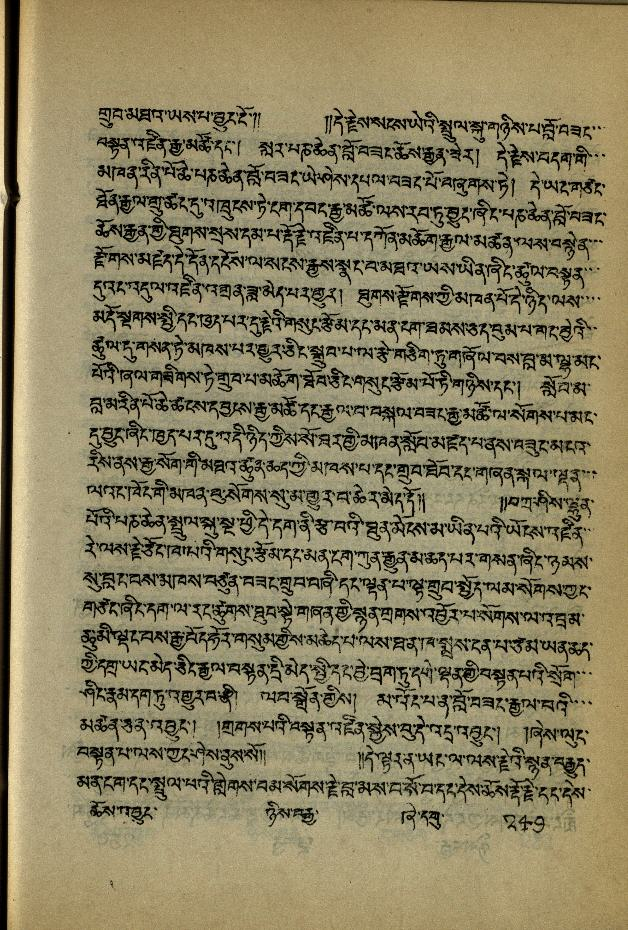གྲུབ་མཐའ་ཡས་པ་བྱུང་ངོ།། །།དེ་རྗེས་སངས་ཡེའི་སྤྲུལ་སྐུ་གཉིས་པ་བློ་བཟང་
བསྟན་འཛིན་རྒྱ་མཚོ་དང་། སླར་པཎ་ཆེན་བློ་བཟང་ཆོས་རྒྱན་ཟེར། དེ་རྗེས་བདག་གི་
མཁན་རིན་པོ་ཆེ་པཎ་ཆེན་བློ་བཟང་ཡེ་ཤེས་དཔལ་བཟང་པོ་བཞུགས་ཏེ། དེ་ཡང་གཙང་
ཐོན་རྒྱན་གྲུ་ཚང་དུ་འཁྲུངས་ཏེ་ངག་དབང་རྒྱ་མཚོ་ལས་རབ་ཏུ་བྱུང་ཞིང་པཎ་ཆེན་བློ་བཟང་
ཆོས་རྒྱན་གྱི་ཐུགས་སྲས་དམ་པ་རྡོ་རྗེ་འཛིན་པ་དཀོན་མཆོག་རྒྱལ་མཚན་ལས་བསྙེན་
རྫོགས་མཛད་དེ་དོན་དངོས་ལ་སངས་རྒྱས་སྣང་བ་མཐའ་ཡས་ཡིན་ཞིང་ཚུལ་བསྟན་
དུའང་འདུལ་འཛིན་འགྲན་ཟླ་མེད་པར་གྱུར། ཐུགས་རྫོགས་ཀྱི་མཁན་པོ་དེ་ཉིད་ལས་
མདོ་སྔགས་སྤྱི་དང་ཁྱད་པར་དུ་རྗེའི་གསུང་རྩོམ་དང་མན་ངག་ཐམས་ཅད་བུམ་པ་གང་བྱེའི་
ཚུལ་དུ་གསན་ཏེ་མཁས་པར་གྱུར་ཅིང་སྒྲུབ་པ་ལ་རྩེ་གཅིག་ཏུ་གཞོལ་བས་བླ་མ་ལྷ་མང་
པོའི་ཞལ་གཟིགས་ཏེ་གྲུབ་པ་མཆོག་ཐོབ་ཅིང་གསུང་རྩོམ་པོ་ཏི་གཉིས་དང་། སློབ་མ་
བླ་མ་རིན་པོ་ཆེ་ཚངས་དབྱངས་རྒྱ་མཚོ་དང་རྒྱལ་བ་བསྐལ་བཟང་རྒྱ་མཚོ་ལ་སོགས་པ་མང་
དུ་བྱུང་ཞིང་ཁྱད་པར་དུ་འདི་ཉིད་ཀྱིས་སོ་ཐར་གྱི་མཁན་སློབ་མཛད་པ་ནས་བཟུང་མངའ་
རིས་ནས་རྒྱ་སོག་གི་མཐའ་ཚུན་ཆད་ཀྱི་མཁས་པ་དང་གྲུབ་ཐོབ་དང་གཞན་སྐལ་ལྡན་
ལའང་ཁོང་གི་མཁན་བུ་སོགས་སུ་མ་གྱུར་བ་ཆེར་མེད་དོ།། །།བཀྲ་ཤིས་ལྷུན་
པོའི་པཎ་ཆེན་སྤྲུལ་སྐུ་སྔ་ཕྱི་དེ་དག་ནི་རྩ་བའི་ཐུན་མོངས་མ་ཡིན་པའི་ཡོངས་འཛིན་
རེ་ལས་རྗེ་ཙོང་ཁ་པའི་གསུང་རྩོམ་དང་མན་ངག་ཀུན་རྒྱུན་མ་ཆད་པར་གསན་ཞིང་ཉམས་
སུ་བླང་བས་མཁས་བཙུན་བཟང་གྲུབ་བཞི་དང་ལྡན་པ་ལྷ་གྲུབ་སྤྱོད་ལམ་སོགས་ཀྱང་
གཙང་ཞིང་དག་ལ་རང་ཚུགས་ཐུབ་སྟེ་གཞ་གྱི་སྙན་གྲགས་འབྱོར་པ་སོགས་ལ་འབྲམ་
ཆུ་མི་ལྡང་བས་རྒྱ་བོད་ཧོར་གསུམ་གྱིས་མཆེད་པ་ལས་ཐ་ན་ཁ་སྨྲས་ངན་པ་ཙམ་ཡན་ཆད་
ཀྱི་དགྲ་ཡང་མེད་ཅིང་རྒྱལ་བསྟན་དྲི་མེད་སྤྱི་དང་བྱེ་བྲག་ཏུ་དགེ་ལྡན་གྱི་བསྟན་པའི་སྲོག་
ཤིང་རྣམ་དག་ཏུ་འགྱུར་བ་ནི། ལབ་སྒྲོན་གྱིས། མ་འོང་པ་ན་བློ་བཟང་རྒྱལ་བའི་
མཚན་ཅན་འབྱུང་། །གྲགས་པའི་བསྟན་འཛིན་སྐྱེས་བུ་དེ་འདྲ་འབྱུང་། །ཞེས་ལུང་
བསྟན་པ་ལས་ཀྱང་ཤེས་ནུས་སོ།། །།དེ་ལྟར་ན་ཡང་ལ་ལས་རྗེའི་སྙན་བརྒྱུད་
མན་ངག་དང་སྤྲུལ་པའི་གླེགས་བམ་སོགས་རྗེ་བླ་མས་བ་སོ་བ་དང་དེས་ཆོས་རྡོ་རྗེ་དང་དེས་